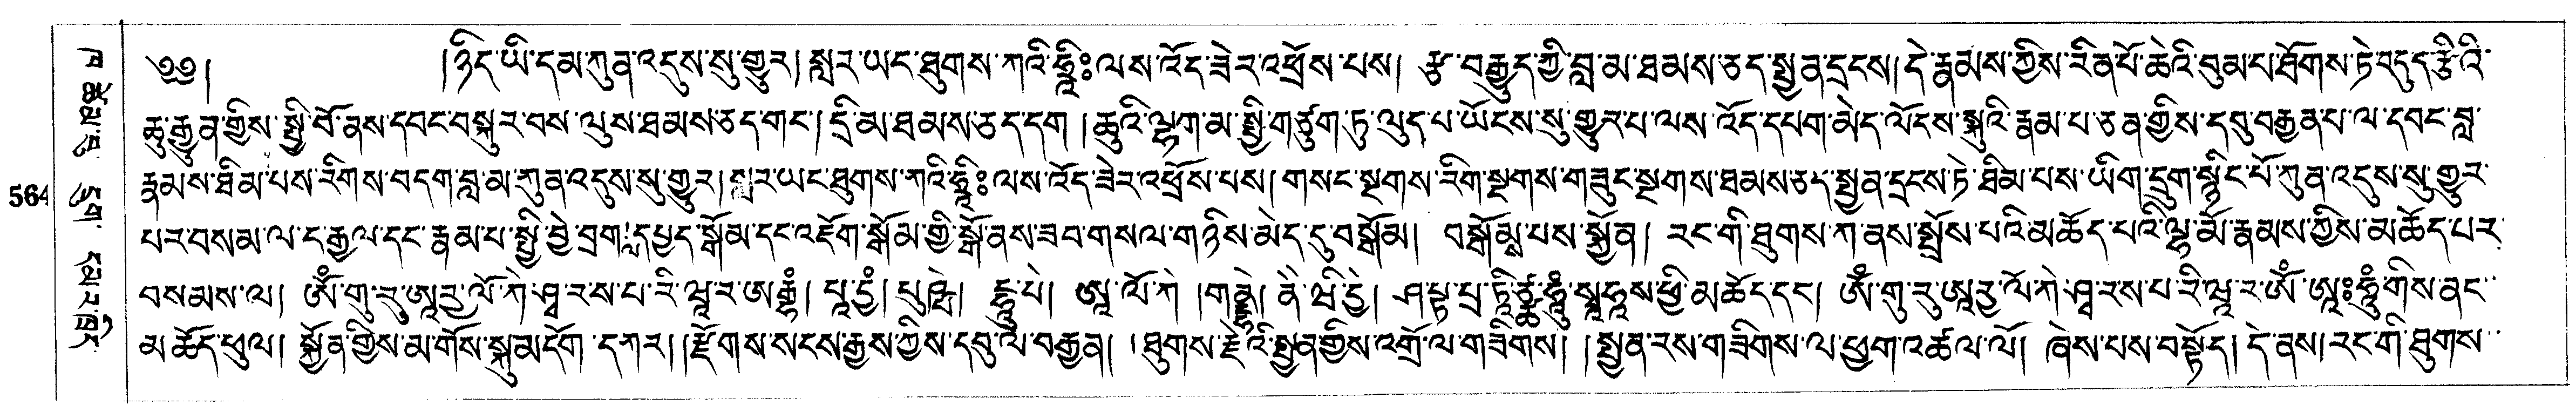༄༅། །ཉིད་ཡི་དམ་ཀུན་འདུས་སུ་གྱུར། སླར་ཡང་ཐུགས་ཀའི་ཧྲཱིཿ ལས་འོད་ཟེར་འཕྲོས་པས། རྩ་བརྒྱུད་ཀྱི་བླ་མ་ཐམས་ཅད་སྤྱན་དྲངས། དེ་རྣམས་ཀྱིས་རིན་པོ་ཆེའི་བུམ་པ་ཐོགས་ཏེ་བདུད་རྩིའི་
ཆུ་རྒྱུན་གྱིས་སྤྱི་བོ་ནས་དབང་བསྐུར་བས་ལུས་ཐམས་ཅད་གང་། དྲི་མ་ཐམས་ཅད་དག །ཆུའི་ལྷག་མ་སྤྱི་གཙུག་ཏུ་ལུད་པ་ཡོངས་སུ་གྱུར་པ་ལས་འོད་དཔག་མེད་ལོངས་སྐུའི་རྣམ་པ་ཅན་གྱིས་དབུ་བརྒྱན་པ་ལ་དབང་བླ་
རྣམས་ཐིམ་པས་རིགས་བདག་བླ་མ་ཀུན་འདུས་སུ་གྱུར། སླར་ཡང་ཐུགས་ཀའི་ཧྲཱིཿ ལས་འོད་ཟེར་འཕྲོས་པས། གསང་སྔགས་རིག་སྔགས་གཟུང་སྔགས་ཐམས་ཅད་སྤྱན་དྲངས་ཏེ་ཐིམ་པས་ཡིག་དྲུག་སྙིང་པོ་ཀུན་འདུས་སུ་གྱུར་
པར་བསམ་ལ་ང་རྒྱལ་དང་རྣམ་པ་སྤྱི་བྱེ་བྲག་ལ་དཔྱད་སྒོམ་དང་འཇོག་སྒོམ་གྱི་སྒོ་ནས་ཟབ་གསལ་གཉིས་མེད་དུ་བསྒོམ། བསྒོམས་པས་སྐྱོན། རང་གི་ཐུགས་ཀ་ནས་སྤྲོས་པའི་མཆོད་པའི་ལྷ་མོ་རྣམས་ཀྱིས་མཆོད་པར་
བསམས་ལ། ཨོཾ་གུ་རུ་ཨཱརྱ་ལོ་ཀེ་ཤྭ་ར་ས་པ་རི་ཝཱ་ར་ཨརྒྷཾ། པཱ་དྱཾ། པུ་ཥྤེ། དྷཱུ་པེ། ཨཱ་ལོ་ཀེ །གནྡྷེ། ནཻ་ཝི་དྱེ། ཤ་པྟ་པྲ་ཏཱི་ཙྪ་ཧཱུཾ་སྭཱ་ཧཱས་ཕྱི་མཆོད་དང་། ཨོཾ་གུ་རུ་ཨཱརྱ་ལོ་ཀེ་ཤྭ་ར་ས་པ་རི་ཝཱ་ར་ཨོཾ་ཨཱཿ ཧཱུཾ་གིས་ནང་
མཆོད་ཕུལ། སྐྱོན་གྱིས་མ་གོས་སྐུ་མདོག་དཀར། །རྫོགས་སངས་རྒྱས་ཀྱིས་དབུ་ལ་བརྒྱན། །ཐུགས་རྗེའི་སྤྱན་གྱིས་འགྲོ་ལ་གཟིགས། །སྤྱན་རས་གཟིགས་ལ་ཕྱག་འཚལ་ལོ། ཞེས་པས་བསྟོད། དེ་ནས། རང་གི་ཐུགས་